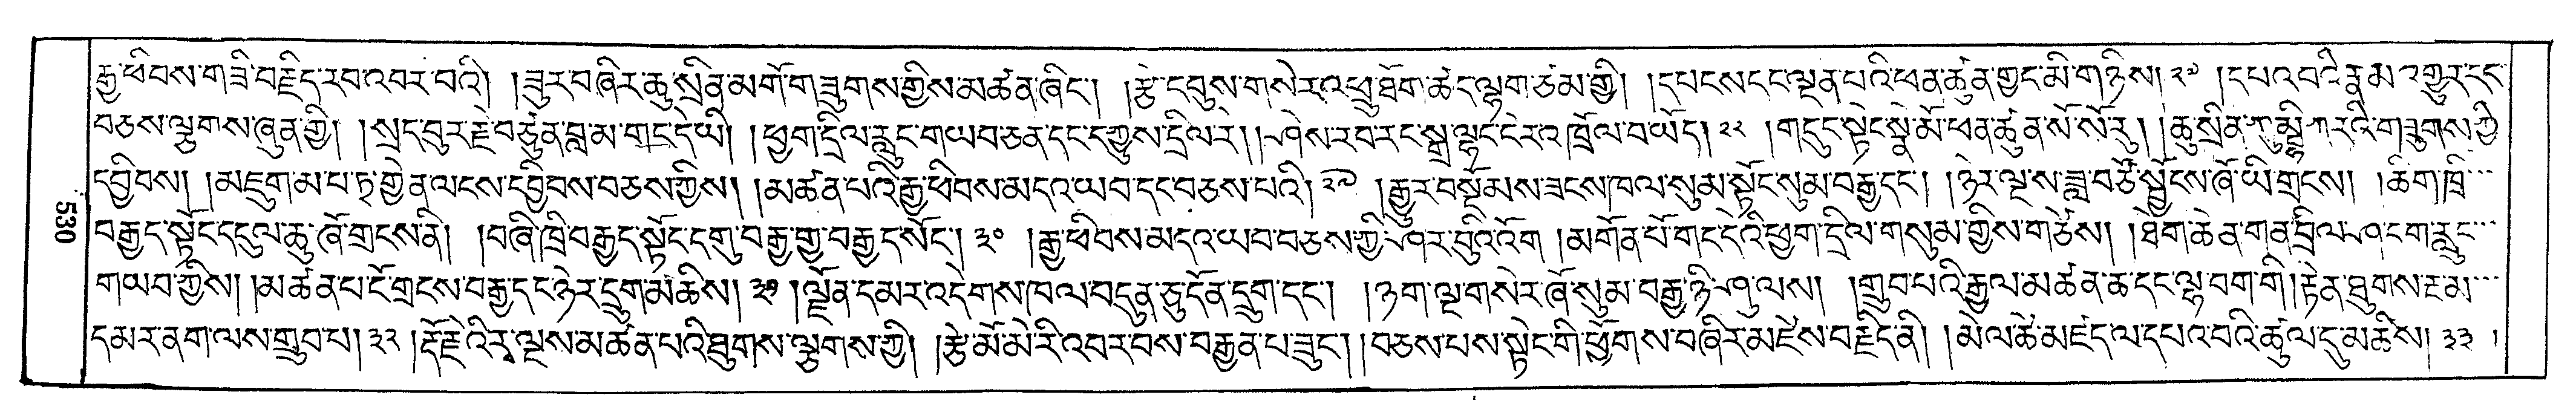རྒྱ་ཕིབས་གཟི་བརྗིད་རབ་འབར་བའི། །ཟུར་བཞིར་ཆུ་སིན་མགོ་གཟུགས་ཀྱིས་མཚན་ཞིང་། །རྩེ་དབུས་གསེར་འཕྲུ་ཐོག་ཚད་ལྷག་ཙམ་གྱི། །དཔངས་དང་ལྡན་པའི་ཕན་ཚུན་གྱད་མི་གཉིས། །༢༧་།དཔའ་བའི་རྣམ་འགྱུར་དང་
བཅས་ལྕགས་ཞུན་གྱི། །སྲད་བུར་རྗེ་བཙུན་བླ་མ་གང་དེ་ཡི། །ཕྱག་དྭིལ་རླུང་གཡབ་ཅན་དང་དཀྱུས་དྲིལ་རེ། །ཤེས་རབ་རང་སྒྲ་ལྷང་ངེས་འཁྲོལ་བ་ཡོད། ༢༨་།གདུང་སྟེང་སྣེ་མོ་ཕན་ཚུན་སོ་སོ་རུ། །ཆུ་སྲིན་ཀུམྦྷི་ཀ་རའི་གཟུགས་ཀྱི་
དབྱིབས། །མཇུག་མ་པ་ཏར་གྱེན་ལངས་དབྱིབས་བཅས་ཀྱིས། །མཚན་པའི་རྒྱ་ཕིབས་མདའ་ཡབ་དང་བཅས་པའི། ༢༧་།རྒྱུར་བསྔོམས་ཟངས་ཁལ་སུམ་སྟོང་སུམ་བརྒྱ་དང་། །ཉེར་ལྔ་ས་ཟླ་བཙོ་སྦྱངས་ཞོ་ཡི་གྲངས། །ཆིག་ཁྲི་
བརྒྱད་སྟོང་དངུལ་ཆུ་ཞོ་གྲངས་ནི། །བཞི་ཁྲི་བརྒྱད་སྟོང་དགུ་བརྒྱ་གྱ་བརྒྱད་སོང་། ༣༠་།རྒྱ་ཕིབས་མདའ་ཡབ་བཅས་ཀྱི་ཤར་བུའི་འོག །མགོན་པོ་གང་དེའི་ཕྱག་དྲིལ་གསུམ་གྱིས་གཙོས། །ཐེག་ཆེན་གན་དྲིལ་ཤ་དག་རླུང་
གཡབ་ཀྱིས། །མཚན་པ་ངོ་གྲངས་བརྒྱ་དང་ཉེར་དྲུག་མཆིས། ༣༡་།ལྗོན་དམར་འདེགས་ཁལ་བདུན་ཅུ་དོན་དྲུག་དང་། །ཉག་ལྔ་གསེར་ཞོ་སུམ་བརྒྱ་ཉི་ཤུ་ལས། །གྲུབ་པའི་རྒྱལ་མཚན་ཆ་དང་ལྷ་བེག་གི། རྟེན་ཐུགས་རྔ་མ་
དམར་ནག་ལས་གྲུབ་པ། ༣༢་།རྡོ་རྗེའི་རྭ་ལྔས་མཚན་པའི་ཐུགས་ལྕགས་ཀྱི། །རྩེ་མོ་མེ་རི་འབར་བས་བརྒྱན་པ་ཟུང་། །བཅས་པས་སྟེང་གི་ཕྱོགས་བཞིར་མཛེས་བརྗིད་ནི། །མེལ་ཚེ་མཛད་ལ་དཔའ་བའི་ཚུལ་དུ་མཆིས། ༣༣།